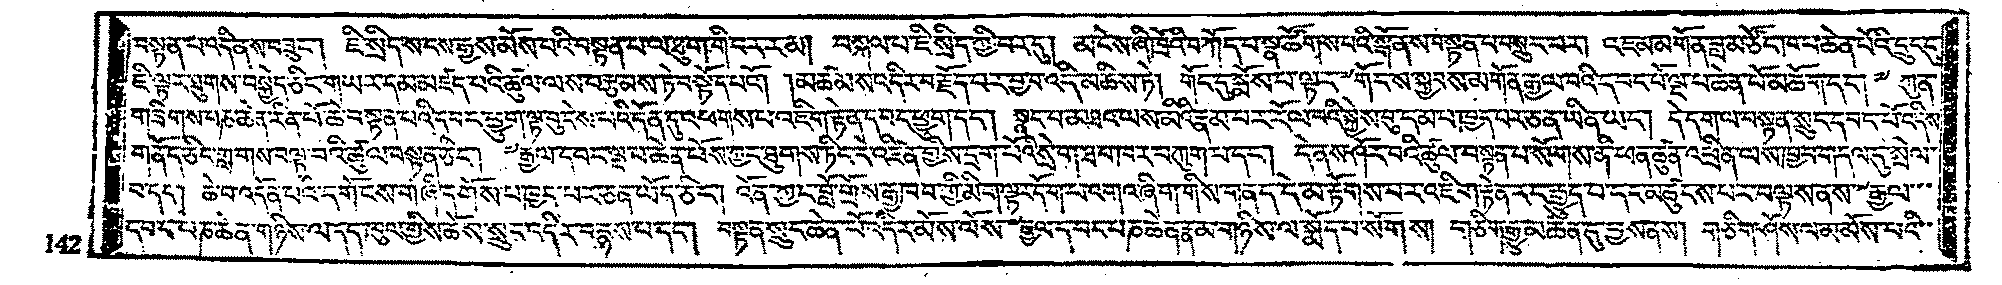བསྟན་པ་འདི་ནས་བཟུང་། ཇི་སྲིད་སངས་རྒྱས་མོས་པའི་བསྟན་པ་ལ་ཐུག་གི་བར་རམ། བསྐལ་པ་ཇི་སྲིད་ཀྱི་བར་དུ། མ་ངེས་ཞི་ཁྲོའི་བཀོད་པ་སྣ་ཚོགས་པའི་སྒོ་ནས་བསྟན་པ་བསྲུང་བར། འཇམ་མགོན་བླ་མ་ཙོང་ཁ་པ་ཆེན་པོའི་དྲུང་དུ་
ཇི་ལྟར་ཐུགས་བསྐྱེད་ཅིང་གཡར་དམ་མཛད་པའི་ཚུལ་ལས་བརྩམས་ཏེ་བསྟོད་པའོ། །མཚམས་འདིར་བརྗོད་པར་བྱ་བ་འདི་མཆིས་ཏེ། གོང་དུ་སྨོས་པ་ལྟར་~གོང་ས་~སྐྱབས་མགོན་རྒྱལ་བའི་དབང་པོ་ལྔ་པ་ཆེན་པོ་མཆོག་དང་། ~ཀུན་
གཟིགས་པཎ་ཆེན་རིན་པོ་ཆེ་བསྟན་པའི་དབང་ཕྱུག་ལྟ་བུ་ངེས་པའི་དོན་དུ་འཕགས་པ་འཇིག་རྟེན་དབང་ཕྱུག་དང་། སྣང་བ་མཐའ་ཡས་མིའི་རྣམ་པར་རོལ་བའི་སྐྱེས་བུ་དམ་པ་ཁྱད་པར་ཅན་ཡིན་ཡང་། དེ་དག་ལ་བསྟན་སྲུང་དབང་པོ་འདིས་
གནོད་ཅིང་གླགས་བལྟ་བའི་ཚུལ་བསྟན་ཅིང་། ~རྒྱལ་དབང་ལྔ་པ་ཆེན་པོས་ཀྱང་ཐུགས་ཏིང་ངེ་འཛིན་གྱིས་དྲག་པོའི་སྲེག་ཐབ་ཁར་བཀུག་པ་དང་། དེ་ནས་ཤོར་བའི་ཚུལ་བསྟན་པ་སོགས་ནི་ཕན་ཚུན་འཕྲིན་ལས་ཁྱབ་གདལ་དུ་སྤེལ་
བ་དང་། ཆེ་བ་འདོན་པའི་དགོངས་གཞི་དགོས་པ་ཁྱད་པར་ཅན་ཡོད་ཅིང་། འོན་ཀྱང་བློ་གྲོས་རྒྱ་ཁབ་ཀྱི་མིག་ལྟར་དོག་པ་འགའ་ཞིག་གིས་གནད་དེ་མ་རྟོགས་པར་འཇིག་རྟེན་རང་རྒྱུད་པ་དང་མཚུངས་པར་བལྟས་ནས་༈ རྒྱལ་
དབང་པཎ་ཆེན་གཉིས་ལ་དད་ཁུལ་གྱིས་ཆོས་སྲུང་འདིར་བརྙས་པ་དང་། བསྟན་སྲུང་ཆེན་པོ་འདིར་མོས་ལོས་༈ རྒྱལ་དབང་པཎ་ཆེན་རྣམ་གཉིས་ལ་སྨོད་པ་སོགས། གཅིག་རྒྱུ་མཚན་དུ་བྱས་ནས། གཅིག་ཤོས་ལ་མ་མོས་པའི་